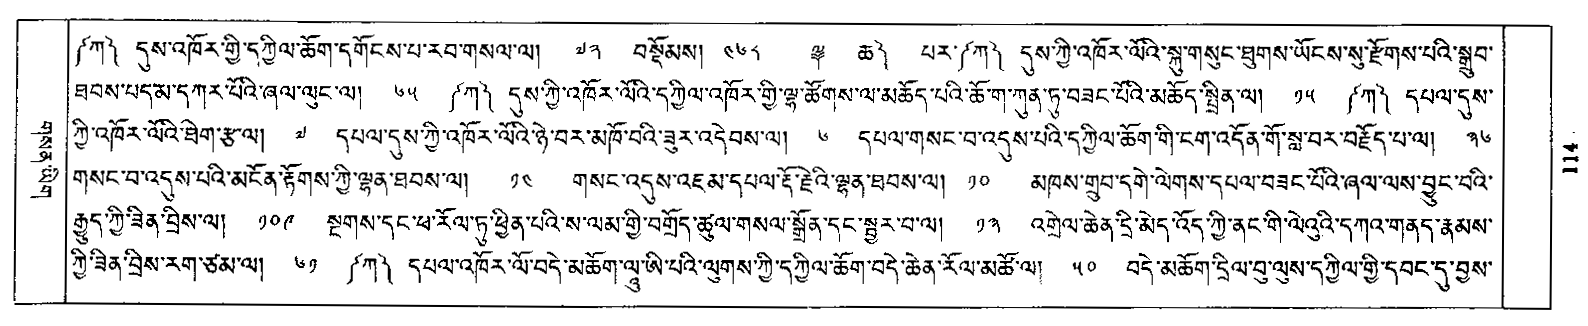?ཀ༼་དུས་འཁོར་གྱི་དཀྱིལ་ཆོག་དགོངས་པ་རབ་གསལ་ལ། ༧༢་བསྡོམས། ༤༦༨་༈ ཆ༽ པར་?ཀ་དུས་ཀྱི་འཁོར་ལོའི་སྐུ་གསུང་ཐུགས་ཡོངས་སུ་རྫོགས་པའི་སྒྲུབ་
ཐབས་པད་མ་དཀར་པོའི་ཞལ་ལུང་ལ། ༦༥་?ཀ༼་དུས་ཀྱི་འཁོར་ལོའི་དཀྱིལ་འཁོར་གྱི་ལྷ་ཚོགས་ལ་མཆོད་པའི་ཆོ་ག་ཀུན་ཏུ་བཟང་པོའི་མཆོད་སྤྲིན་ལ། ༡༥་?ཀ༽ དཔལ་དུས་
ཀྱི་འཁོར་ལོའི་ཐིག་རྩ་ལ། ༧་དཔལ་དུས་ཀྱི་འཁོར་ལོའི་ཉེ་བར་མཁོ་བའི་ཟུར་འདེབས་ལ། ༦་དཔལ་གསང་བ་འདུས་པའི་དཀྱིལ་ཆོག་གི་ངག་འདོན་གོ་སླ་བར་བརྗོད་པ་ལ། ༣༦
གསང་བ་འདུས་པའི་མངོན་རྟོགས་ཀྱི་ལྷན་ཐབས་ལ། ༡༤་གསང་འདུས་འཇམ་དཔལ་རྡོ་རྗེའི་ལྷན་ཐབས་ལ། ༡༠་མཁས་གྲུབ་དགེ་ལེགས་དཔལ་བཟང་པོའི་ཞལ་ལས་བྱུང་བའི་
རྒྱུད་ཀྱི་ཟིན་བྲིས་ལ། ༡༠༩་སྔགས་དང་ཕ་རོལ་ཏུ་ཕྱིན་པའི་ས་ལམ་གྱི་བགྲོད་ཚུལ་གསལ་སྒྲོན་དང་སྦྱར་བ་ལ། ༡༣་འགྲེལ་ཆེན་དྲི་མེད་འོད་ཀྱི་ནང་གི་ལེའུའི་དཀའ་གནད་རྣམས་
ཀྱི་ཟིན་བྲིས་རག་ཙམ་ལ། ༦༡་?ཀ་དཔལ་འཁོར་ལོ་བདེ་མཆོག་ལཱུ་ཨི་པའི་ལུགས་ཀྱི་དཀྱིལ་ཆོག་བདེ་ཆེན་རོལ་མཚོ་ལ། ༥༠་བདེ་མཆོག་དྲིལ་བུ་ལུས་དཀྱིལ་གྱི་དབང་དུ་བྱས་